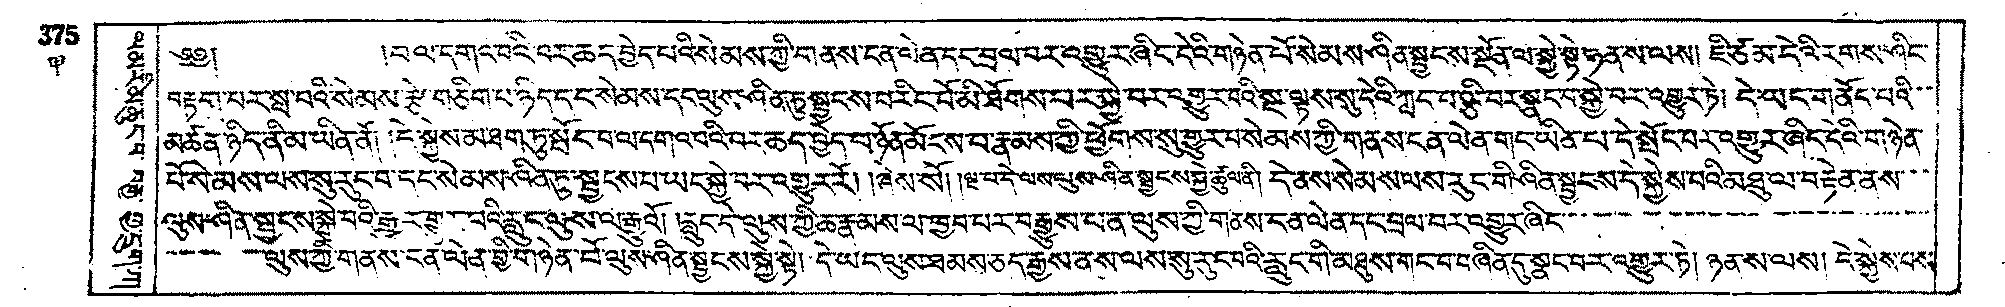༄༅། །བ་ལ་དགའ་བའི་བར་ཆད་བྱེད་པའི་སེམས་ཀྱི་གནས་ངན་ལེན་དང་བྲལ་བར་འགྱུར་ཞིང་དེའི་གཉེན་པོ་སེམས་ཤིན་སྦྱངས་སྔོན་ལ་སྐྱེ་སྟེ་ཉན་ས་ལས། ཇི་ཙམ་དེའི་རགས་ཤིང་
བརྟག་པར་སླ་བའི་སེམས་རྩེ་གཅིག་པ་ཉིད་དང་སེམས་དང་ལུས་ཤིན་ཏུ་སྦྱངས་བ་རིང་པོ་མི་ཐོགས་པར་སྐྱེ་བར་འགྱུར་བའི་སྔ་ལྟས་སུ་དེའི་ཀླད་པ་ལྕི་བར་སྣང་བ་སྐྱེ་བར་འགྱུར་ཏེ། དེ་ཡང་གནོད་པའི་
མཚན་ཉིད་ནི་མ་ཡིན་ནོ། །དེ་སྐྱེས་མ་ཐག་ཏུ་སྤོང་བ་ལ་དགའ་བའི་བར་ཆད་བྱེད་ཕན་ཡོན་མོངས་པ་རྣམས་ཀྱི་ཕྱོགས་སུ་གྱུར་པ་སེམས་ཀྱི་གནས་ངན་ལེན་གང་ཡིན་པ་དེ་སྤོང་བར་འགྱུར་ཞིང་དེའི་གཉེན་
པོ་སེམས་ལས་སུ་རུང་བ་དང་སེམས་ཤིན་ཏུ་སྦྱངས་པ་ཡང་སྐྱེ་བར་འགྱུར་རོ། །ཞེས་སོ། །ལྔ་པ་དེ་ལས་ལུས་ཤིན་སྦྱངས་སྐྱེ་ཚུལ་ནི།  དེ་ནས་སེམས་ལས་རུང་གི་ཤིན་སྦྱངས་དེ་སྐྱེས་པའི་མཐུ་ལ་བརྟེན་ནས་
ལུས་ཤིན་སྦྱངས་སྐྱེ་བའི་རྒྱུར་གྱུར་པའི་རླུང་ལུས་ལ་རྒྱུའོ། །རླུང་དེ་ལུས་ཀྱི་ཆ་རྣམས་ལ་ཁྱབ་པར་བརྒྱུས་པ་ན་ལུས་ཀྱི་གནས་ངན་ལེན་དང་བྲལ་བར་འགྱུར་ཞིང་
ལུས་ཀྱི་གནས་ངན་ལེན་གྱི་གཉེན་པོ་ལུས་ཤིན་སྦྱངས་སྐྱེ་སྟེ། དེ་ཡང་ལུས་ཐམས་ཅད་རྒྱས་ན་ལས་སུ་རུང་བའི་རླུང་གི་མཐུས་གང་བཞིན་དུ་སྣང་བར་འགྱུར་ཏེ། ཉན་ས་ལས། དེ་སྐྱེས་པས་